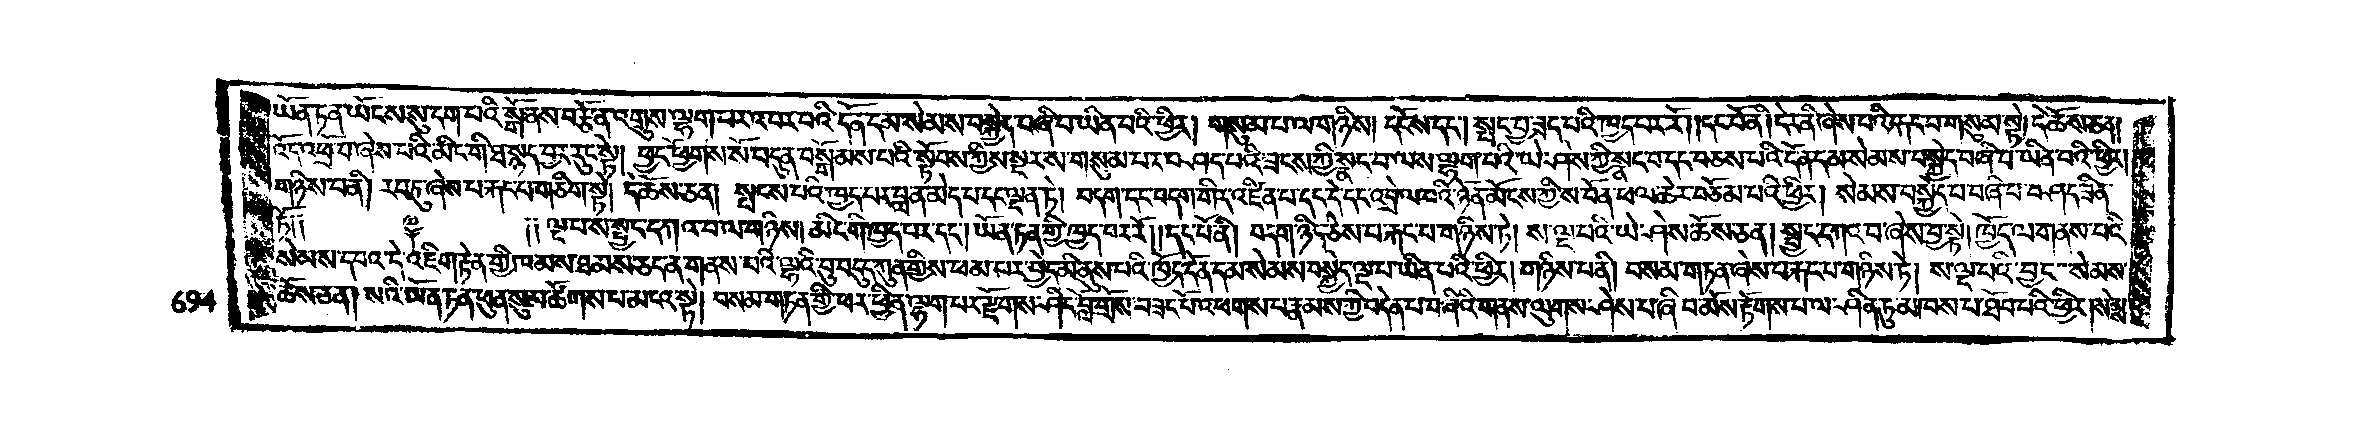ཡོན་ཏན་ཡོངས་སུ་དག་པའི་སྒོ་ནས་བརྩོན་འགྲུས་ལྷག་པར་འབར་བའི་དོན་དམ་སེམས་བསྐྱེད་བཞི་པ་ཡིན་པའི་ཕྱིར། གསུམ་པ་ལ་གཉིས། དངོས་དང་། སྤང་བྱ་ཟད་པའི་ཁྱད་པར་རོ། །དང་པོ་ནི། དེར་ནི་ཞེས་པའི་རྐང་པ་གསུམ་སྟེ། དེ་ཆོས་ཅན།
འོད་འཕྲོ་བ་ཞེས་པའི་མིང་གི་ཐ་སྙད་བྱར་རུང་སྟེ། བྱང་ཕྱོགས་སོ་བདུན་བསྒོམས་པའི་སྟོབས་ཀྱིས་སྔར་ས་གསུམ་པར་བཤད་པའི་ཟངས་ཀྱི་སྣང་བ་ལས་ལྷག་པའི་ཡེ་ཤེས་ཀྱི་སྣང་བ་དང་བཅས་པའི་དོན་དམ་སེམས་བསྐྱེད་བཞི་པ་ཡིན་པའི་ཕྱིར།
གཉིས་པ་ནི། རབ་ཏུ་ཞེས་པ་རྐང་པ་གཅིག་སྟེ། དེ་ཆོས་ཅན། སྤངས་པའི་ཁྱད་པར་བླ་ན་མེད་པ་དང་ལྡན་ཏེ། བདག་དང་བདག་གིར་འཛིན་པ་དང་དེ་དང་འབྲེལ་བའི་ཉོན་མོངས་ཀྱི་ས་བོན་ཕལ་ཆེར་བཅོམ་པའི་ཕྱིར། སེམས་བསྐྱེད་པ་བཞི་པ་བཤད་ཟིན་
ཏོ༑༑ ༈ ༑༑ལྔ་པ་ས་སྦྱང་དཀའ་བ་ལ་གཉིས། མིང་གི་ཁྱད་པར་དང་། ཡོན་ཏན་གྱི་ཁྱད་པར་རོ། །དང་པོ་ནི། བདག་ཉིད་ཅེས་པ་རྐང་པ་གཉིས་ཏེ། ས་ལྔ་པའི་ཡེ་ཤེས་ཆོས་ཅན། སྦྱང་དཀའ་བ་ཞེས་བྱ་སྟེ། ཁྱོད་ལ་གནས་པའི་
སེམས་དཔའ་དེ་འཇིག་རྟེན་གྱི་ཁམས་ཐམས་ཅད་ན་གནས་པའི་ལྷའི་བུ་བདུད་ཀུན་གྱིས་ཕམ་པར་བྱེད་མི་ནུས་པའི་ཁྱོད་དོན་དམ་སེམས་བསྐྱེད་ལྔ་པ་ཡིན་པའི་ཕྱིར། གཉིས་པ་ནི། བསམ་གཏན་ཞེས་པ་རྐང་པ་གཉིས་ཏེ། ས་ལྔ་པའི་བྱང་སེམས་
ཆོས་ཅན། སའི་ཡོན་ཏན་ཕུན་སུམ་ཚོགས་པ་མངའ་སྟེ། བསམ་གཏན་གྱི་ཕར་ཕྱིན་ལྷག་པར་རྫོགས་ཤིང་བློ་གྲོས་བཟང་པོ་འཕགས་པ་རྣམས་ཀྱི་བདེན་པ་བཞིའི་གནས་ལུགས་ཤེས་པ་བཞི་བ་མོས་རྟོགས་པ་ལ་ཤིན་ཏུ་མཁས་པ་ཐོབ་པའི་ཕྱིར། སེམས་